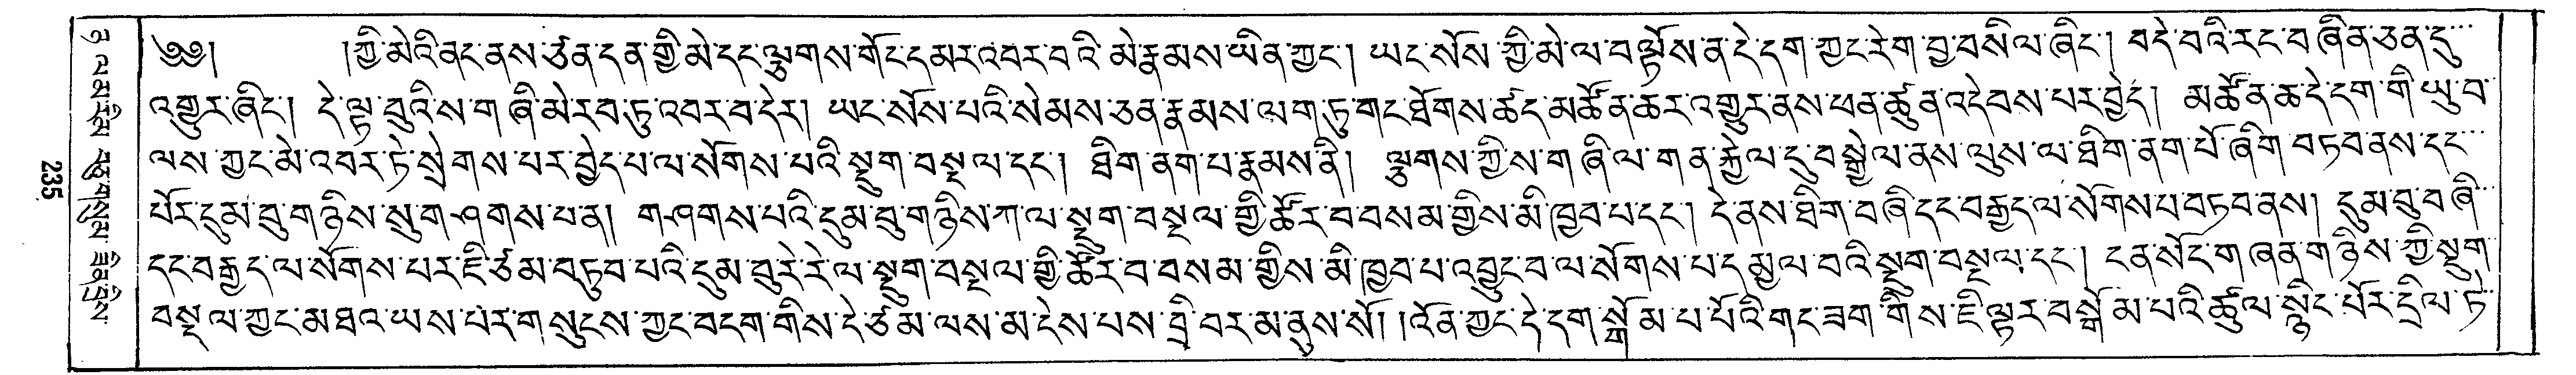༄༅། །ཀྱི་མེའི་ནང་ནས་ཙན་དན་གྱི་མེ་དང་ལྕགས་གོང་དམར་འབར་བའི་མེ་རྣམས་ཡིན་ཀྱང་། ཡང་སོས་ཀྱི་མེ་ལ་བལྟོས་ན་དེ་དག་ཀྱང་རེག་བྱ་བསིལ་ཞིང་། བདེ་བའི་རང་བཞིན་ཅན་དུ་
འགྱུར་ཞིང་། དེ་ལྟ་བུའི་ས་གཞི་མེ་རབ་ཏུ་འབར་བ་དེར། ཡང་སོས་པའི་སེམས་ཅན་རྣམས་ལག་ཏུ་གང་ཐོགས་ཚད་མཚོན་ཆར་འགྱུར་ནས་ཕན་ཚུན་འདེབས་པར་བྱེད། མཚོན་ཆ་དེ་དག་གི་ཡུ་བ་
ལས་ཀྱང་མེ་འབར་ཏེ་སྲེགས་པར་བྱེད་པ་ལ་སོགས་པའི་སྡུག་བསྔལ་དང་། ཐིག་ནག་པ་རྣམས་ནི། ལྕགས་ཀྱི་ས་གཞི་ལ་གན་རྐྱལ་དུ་བསྒྱེལ་ནས་ལུས་ལ་ཐིག་ནག་པོ་ཞིག་བཏབ་ནས་དང་
པོར་དུམ་བུ་གཉིས་སུ་གཤགས་པ་ན། གཤགས་པའི་དུམ་བུ་གཉིས་ཀ་ལ་སྡུག་བསྔལ་གྱི་ཚོར་བ་བསམ་གྱིས་མི་ཁྱབ་པ་དང་། དེ་ནས་ཐིག་བཞི་དང་བརྒྱད་ལ་སོགས་པ་བཏབ་ནས། དུམ་བུ་བཞི་
དང་བརྒྱད་ལ་སོགས་པར་ཇི་ཙམ་བཏུབ་པའི་དུམ་བུ་རེ་རེ་ལ་སྡུག་བསྔལ་གྱི་ཚོར་བ་བསམ་གྱིས་མི་ཁྱབ་པ་འབྱུང་བ་ལ་སོགས་པ་དམྱལ་བའི་སྡུག་བསྔལ་དང་། ངན་སོང་གཞན་གཉིས་ཀྱི་སྡུག་
བསྔལ་ཀྱང་མཐའ་ཡས་པར་གསུངས་ཀྱང་བདག་གིས་དེ་ཙམ་ལས་མ་ངེས་པས་བྲི་བར་མ་ནུས་སོ། །འོན་ཀྱང་དེ་དག་སྒོམ་པ་པོའི་གང་ཟག་གིས་ཇི་ལྟར་བསྒོམ་པའི་ཚུལ་སྙིང་པོར་དྲིལ་ཏེ་